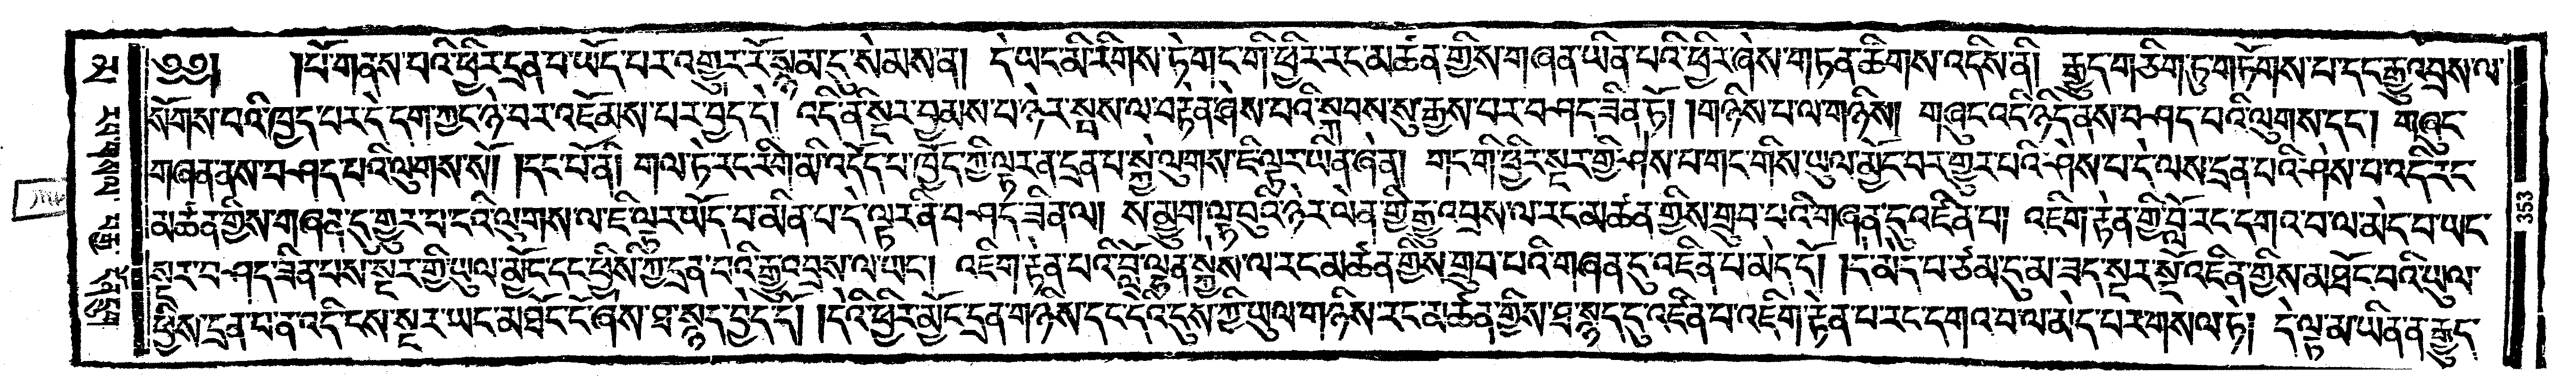པོ་གནས་པའི་ཕྱིར་དྲན་པ་ཡོད་པར་འགྱུར་རོ་སྙམ་དུ་སེམས་ན། དེ་ཡང་མི་རིགས་ཏེ་གང་གི་ཕྱིར་རང་མཚན་གྱིས་གཞན་ཡིན་པའི་ཕྱིར་ཞེས་གཏན་ཚིགས་འདིས་ནི། རྒྱུད་གཅིག་ཏུ་གཏོགས་པ་དང་རྒྱུ་འབྲས་ལ་
སོགས་པའི་ཁྱད་པར་དེ་དག་ཀྱང་ཉེ་བར་འཇོམས་པར་བྱེད་དེ། འདི་ནི་སྔར་བྱམས་པ་ཉེར་སྦས་ལ་བརྟེན་ཞེས་པའི་སྐབས་སུ་རྒྱས་པར་བཤད་ཟིན་ཏོ། །གཉིས་པ་ལ་གཉིས། གཞུང་འདི་ཉིད་ནས་བཤད་པའི་ལུགས་དང་། གཞུང་
གཞན་ནས་བཤད་པའི་ལུགས་སོ། །དང་པོ་ནི། གལ་ཏེ་རང་རིག་མི་འདོད་པ་ཁྱོད་ཀྱི་ལྟར་ན་དྲན་པ་སྐྱེ་ལུགས་ཇི་ལྟར་ཡིན་ཞེ་ན། གང་གི་ཕྱིར་སྔར་གྱི་ཤེས་པ་གང་གིས་ཡུལ་མྱོང་བར་གྱུར་པའི་ཤེས་པ་དེ་ལས་དྲན་པའི་ཤེས་པ་འདི་རང་
མཚན་གྱིས་གཞན་དུ་གྱུར་པ་དའི་ལུགས་ལ་ཇི་ལྟར་ཡོད་པ་མིན་པ་དེ་ལྟར་ནི་བཤད་ཟིན་ལ། ས་མྱུག་ལྟ་བུའི་ཉེར་ལེན་གྱི་རྒྱུ་འབྲས་ལ་རང་མཚན་གྱིས་གྲུབ་པའི་གཞན་དུ་འཛིན་པ། འཇིག་རྟེན་གྱི་བློ་རང་དགའ་བ་ལ་མེད་པ་ཡང་
སྔར་བཤད་ཟིན་པས་སྔར་གྱི་ཡུལ་མྱོང་དང་ཕྱིས་ཀྱི་དྲན་པའི་རྒྱུ་འབྲས་ལ་ཡང་། འཇིག་རྟེན་པའི་བློ་ལྷན་སྐྱེས་ལ་རང་མཚན་གྱིས་གྲུབ་པའི་གཞན་དུ་འཛིན་པ་མེད་དོ། །དེ་མེད་པ་ཙམ་དུ་མ་ཟད་སྔར་སྔོ་འཛིན་གྱིས་མཐོང་བའི་ཡུལ་
ཕྱིས་དྲན་པ་ན་འདི་ངས་སྔར་ཡང་མཐོང་ངོ་ཞེས་ཐ་སྙད་བྱེད་དོ། །དེའི་ཕྱིར་མྱོང་དྲན་གཉིས་དང་དེའི་དུས་ཀྱི་ཡུལ་གཉིས་རང་མཚན་གྱིས་ཐ་སྙད་དུ་འཛིན་པ་འཇིག་རྟེན་པ་རང་དགའ་བ་ལ་མེད་པར་གསལ་ཏེ། དེ་ལྷ་མ་ཡིན་ན་རྒྱུད་